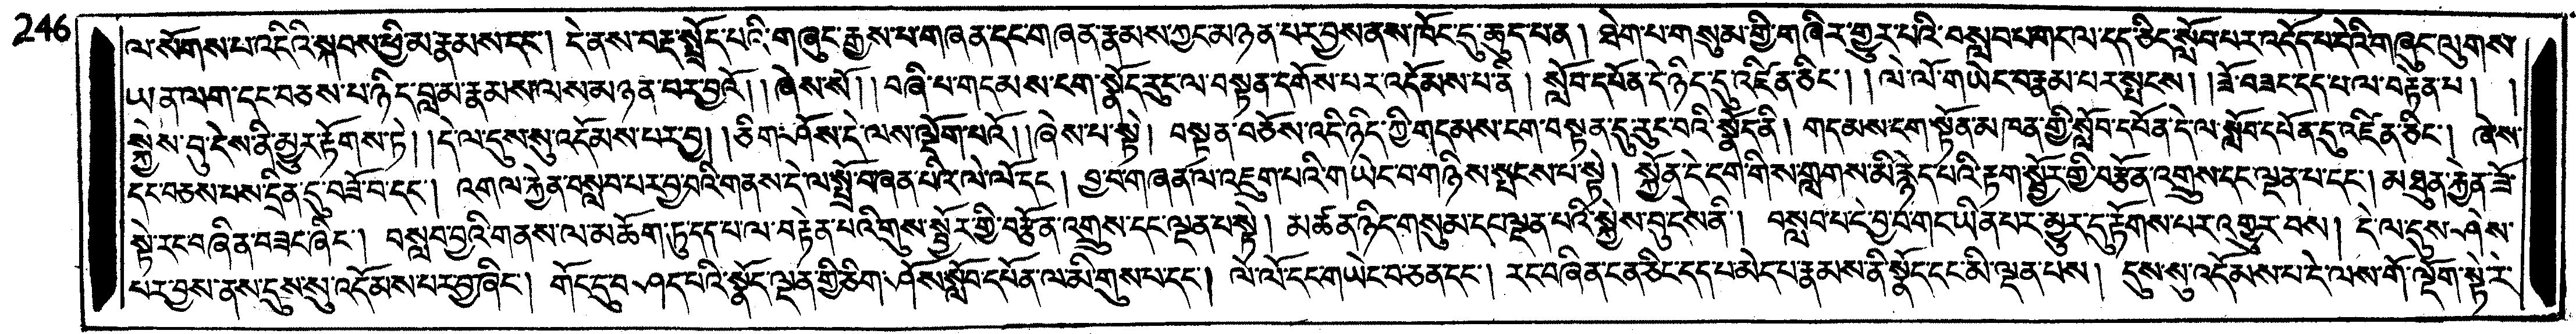ལ་སོགས་པ་འདིའི་སྐབས་ཕྱི་མ་རྣམས་དང་། དེ་ནས་བརྡ་སྤྲོད་པའི་གཞུང་རྒྱས་པ་གཞན་དང་གཞན་རྣམས་ཀྱང་མཉན་པར་བྱས་ནས་ཁོང་དུ་ཆུད་པ་ན། ཐེག་པ་གསུམ་གྱི་གཞིར་གྱུར་པའི་བསླབ་པ་གང་ལ་དད་ཅིང་སློབ་པར་འདོད་པ་དེའི་གཟུང་ལུགས་
ཡན་ལག་དང་བཅས་པ་ཉིད་བླ་མ་རྣམས་ལས་མཉན་པར་བྱའོ། །ཞེས་སོ། །བཞི་པ་གདམས་ངག་སྣོད་རུང་ལ་བསྟན་དགོས་པར་འདོམས་པ་ནི། སློབ་དཔོན་དེ་ཉིད་དུ་འཛིན་ཅིང་། །ལེ་ལོ་གཡེང་བ་རྣམ་པར་སྤངས། །ཟོ་བཟང་དད་པ་ལ་བརྟེན་པ། །
སྐྱེས་བུ་དེས་ནི་མྱུར་རྟོགས་ཏེ། །དེ་ལ་དུས་སུ་འདོམས་པར་བྱ། །ཅིག་ཤོས་དེ་ལས་ལྡོག་པའོ། །ཞེས་པ་སྟེ། བསྟན་བཅོས་འདི་ཉིད་ཀྱི་གདམས་ངག་བསྟན་དུ་རུང་བའི་སྣོད་ནི། གདམས་ངག་སྟོན་མཁན་གྱི་སློབ་དཔོན་དེ་ལ་སློབ་དཔོན་དུ་འཛིན་ཅིང་། ཞེས་
དང་བཅས་པས་དྲིན་དུ་བཟོ་བ་དང་། འགལ་རྐྱེན་བསླབ་པར་བྱ་བའི་གནས་དེ་ལ་སྤྲོ་བ་ཞན་པའི་ལེ་ལོ་དང་། བྱ་བ་གཞན་ལ་འཇུག་པའི་གཡེང་བ་གཉིས་སྤངས་པ་སྟེ། སྐྱོན་དེ་དག་གིས་གླགས་མི་རྙེད་པའི་རྟག་སྦྱོར་གྱི་བརྩོན་འགྲུས་དང་ལྡན་པ་དང་། མཐུན་རྐྱེན་ཟོ་
སྟེ་རང་བཞིན་བཟང་ཞིང་། བསླབ་བྱའི་གནས་ལ་མཆོག་ཏུ་དད་པ་ལ་བརྟེན་པའི་གུས་སྦྱོར་གྱི་བརྩོན་འགྲུས་དང་ལྡན་པ་སྟེ། མཚན་ཉིད་གསུམ་དང་ལྡན་པའི་སྐྱེས་བུ་དེས་ནི། བསླབ་པ་དེ་བྱ་བ་གང་ཡིན་པར་མྱུར་དུ་རྟོགས་པར་འགྱུར་བས། དེ་ལ་དུས་ཤེས་
པར་བྱས་ནས་དུས་སུ་འདོམས་པར་བྱ་ཞིང་། གོང་དུ་བཤད་པའི་སྣོད་ལྡན་གྱི་ཅིག་ཤོས་སློབ་དཔོན་ལ་མི་གུས་པ་དང་། ལེ་ལོ་དང་གཡེང་བ་ཅན་དང་། རང་བཞིན་ངན་ཅིང་དད་པ་མེད་པ་རྣམས་ནི་སྣོད་དང་མི་ལྡན་པས། དུས་སུ་འདོམས་པ་དེ་ལས་གོ་ལྡོག་སྟེ་རེ་